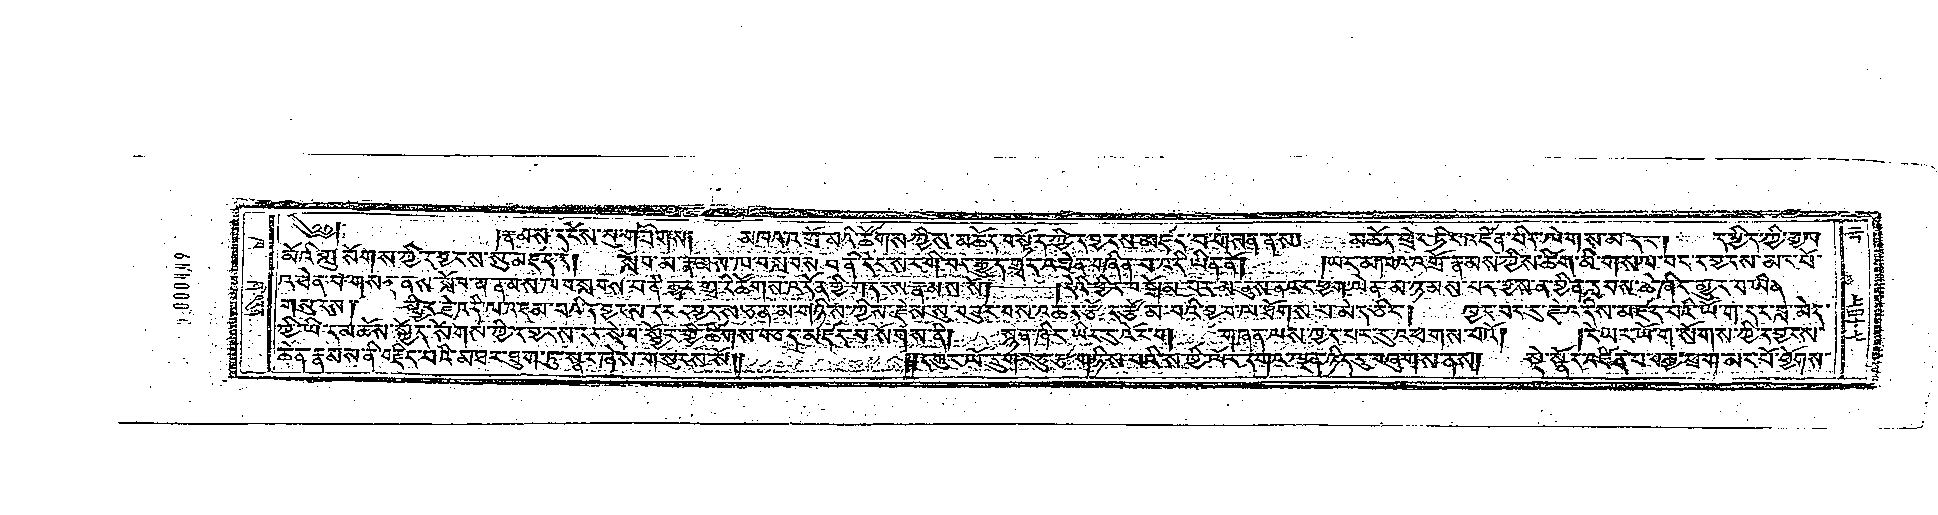༄༅། །རྣམས་དངོས་སུ་གཟིགས། མཁའ་འགྲོ་མའི་ཚོགས་ཀྱིས་མཆོད་བསྟོད་ཀྱི་དབྱངས་མཛད་པ་གསན་ནས། མཆོད་ཕྲེང་ཏིང་འཛིན་པིར་ལེགས་མ་དང་། དཔྱིད་ཀྱི་རྒྱལ་
མོའི་གླུ་སོགས་ཀྱི་དབྱངས་སུ་མཛད་དེ། སློབ་མ་རྣམས་ལ་བསླབས་བ་ནི་དེང་སང་གི་བར་རྒྱུད་གྲྭར་འཐེན་བཞིན་པ་འདི་ཡིན་ནོ། །ཡང་མཁའ་འགྲོ་རྣམས་ཀྱིས་ཚིག་མི་གསལ་བར་དབྱངས་མང་པོ་
འཕེན་པ་གསན་ནས་སླེབ་མ་རྣམས་ལ་བསླབས་པ་ནི་རྒྱུད་གྲྭ་རི་ཚོགས་འདོན་གྱི་གདངས་རྣམས་སོ། །དེའི་ཕྱིར་བསྒོམ་པར་མ་ནུས་ནའང་ཕྱག་ལེན་མཉམས་པར་བྱས་ན་བྱིན་རླབས་ཆེ་ཞིང་མྱུར་བ་ཡིན་
གསུངས། སྤྱིར་རྗེ་འདི་ལ་འཇམ་པའི་དབྱངས་དང་དབྱངས་ཅན་མ་གཉིས་ཀྱིས་རྗེས་སུ་བཟུང་བས་འཆད་རྩོད་རྩོམ་པའི་བྱ་བ་ལ་ཐོགས་པ་མེད་ཅིང་། ཁྱད་པར་དུ་རྗེ་འདིས་མཛད་པའི་ཡོ་ག་དང་བླ་མེད་
ཀྱི་ཡི་དམ་ཆོས་སྐྱོང་སོགས་ཀྱི་དབྱངས་དང་སྡེབ་སྦྱོར་གྱི་ཚིགས་བཅད་མཛད་པ་སོགས་ནི། སྙན་ཞིང་ཡིད་དུ་འོང་བ། གཞན་ལས་ཁྱད་པར་དུ་འཕགས་པའོ། །དེ་ཡང་ཡོ་ག་སོགས་ཀྱི་དབྱངས་
ཆེན་རྣམས་ནི་བརྗིད་པའི་མཐར་ཐུག་ཏུ་སྣང་ཞེས་གསུངས་སོ།། །།དགུང་ལོ་དྲུག་བཅུ་རྩ་གཉིས་པའི་ས་ཁྱི་ལོར་དགའ་ལྡན་ཉིད་དུ་བཞུགས་ནས། སྡེ་སྣོད་འཛིན་པ་བརྒྱ་ཕྲག་མང་པོ་ཕྱོགས་